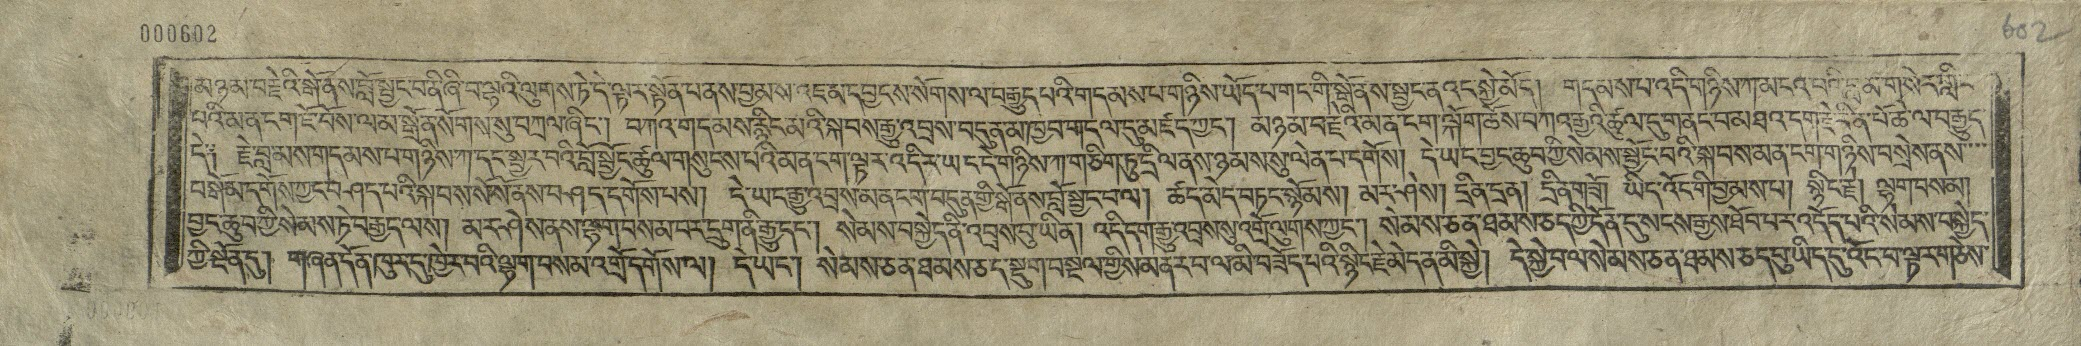མཉམ་བརྗེའི་སྒོ་ནས་བློ་སྦྱང་བ་ནི་ཞི་བ་ལྷའི་ལུགས་ཏེ་དེ་ལྟར་སྟོན་པ་ནས་བྱམས་འཇམ་དབྱངས་སོགས་ལ་བརྒྱུད་པའི་གདམས་པ་གཉིས་ཡོད་པ་གང་གི་སྒོ་ནས་སྦྱང་ནའང་སྐྱེ་མོད། གདམས་པ་འདི་གཉིས་ཀ་མངའ་བའི་བླ་མ་གསེར་གླིང་
པའི་མན་ངག་ཇོ་བོས་ལམ་སྒྲོན་སོགས་སུ་བཀྲལ་ཞིང་། བཀའ་གདམས་རྙིང་མའི་སྐབས་རྒྱུ་འབྲས་བདུན་མ་ཁྱབ་གདལ་དུ་མཛད་ཀྱང་། མཉམ་བརྗེའི་མན་ངག་ལྐོག་ཆོས་བཀའ་རྒྱའི་ཚུལ་དུ་གནང་བ་མཐའ་དག་རྗེ་རིན་པོ་ཆེ་ལ་བརྒྱུད་
དེ༑ རྗེ་བླ་མས་གདམས་པ་གཉིས་ཀ་དང་སྦྱར་བའི་བློ་སྦྱོང་ཚུལ་གསུངས་པའི་མན་ངག་ལྟར་འདིར་ཡང་དེ་གཉིས་ཀ་གཅིག་ཏུ་དྲིལ་ནས་ཉམས་སུ་ལེན་པ་དགོས། དེ་ཡང་བྱང་ཆུབ་ཀྱི་སེམས་སྦྱོང་བའི་སྐབས་མན་ངག་གཉིས་བསྲེས་ནས་
བསྒོམ་དགོས་ཀྱང་བཤད་པའི་སྐབས་སོ་སོ་ནས་བཤད་དགོས་པས། དེ་ཡང་རྒྱུ་འབྲས་མན་ངག་བདུན་གྱི་སྒོ་ནས་བློ་སྦྱང་བ་ལ། ཚད་མེད་བཏང་སྙོམས། མར་ཤེས། དྲིན་དྲན། དྲིན་གཟོ། ཡིད་འོང་གི་བྱམས་པ། སྙིང་རྗེ། ལྷག་བསམ།
བྱང་ཆུབ་ཀྱི་སེམས་ཏེ་བརྒྱད་ལས། མར་ཤེས་ནས་ལྷག་བསམ་བར་དྲུག་ནི་རྒྱུ་དང་། སེམས་བསྐྱེད་ནི་འབྲས་བུ་ཡིན། འདི་དག་རྒྱུ་འབྲས་སུ་འགྲོ་ལུགས་ཀྱང་། སེམས་ཅན་ཐམས་ཅད་ཀྱི་དོན་དུ་སངས་རྒྱས་ཐོབ་པར་འདོད་པའི་སེམས་བསྐྱེད་
ཀྱི་སྔོན་དུ། གཞན་དོན་ཁུར་དུ་ཁྱེར་བའི་ལྷག་བསམ་འགྲོ་དགོས་ལ། དེ་ཡང་། སེམས་ཅན་ཐམས་ཅད་སྡུག་བསྔལ་གྱིས་མནར་བ་ལ་མི་བཟོད་པའི་སྙིང་རྗེ་མེད་ན་མི་སྐྱེ། དེ་སྐྱེ་བ་ལ་སེམས་ཅན་ཐམས་ཅད་བུ་ཡིད་དུ་འོང་བ་ལྟར་གཅེས་